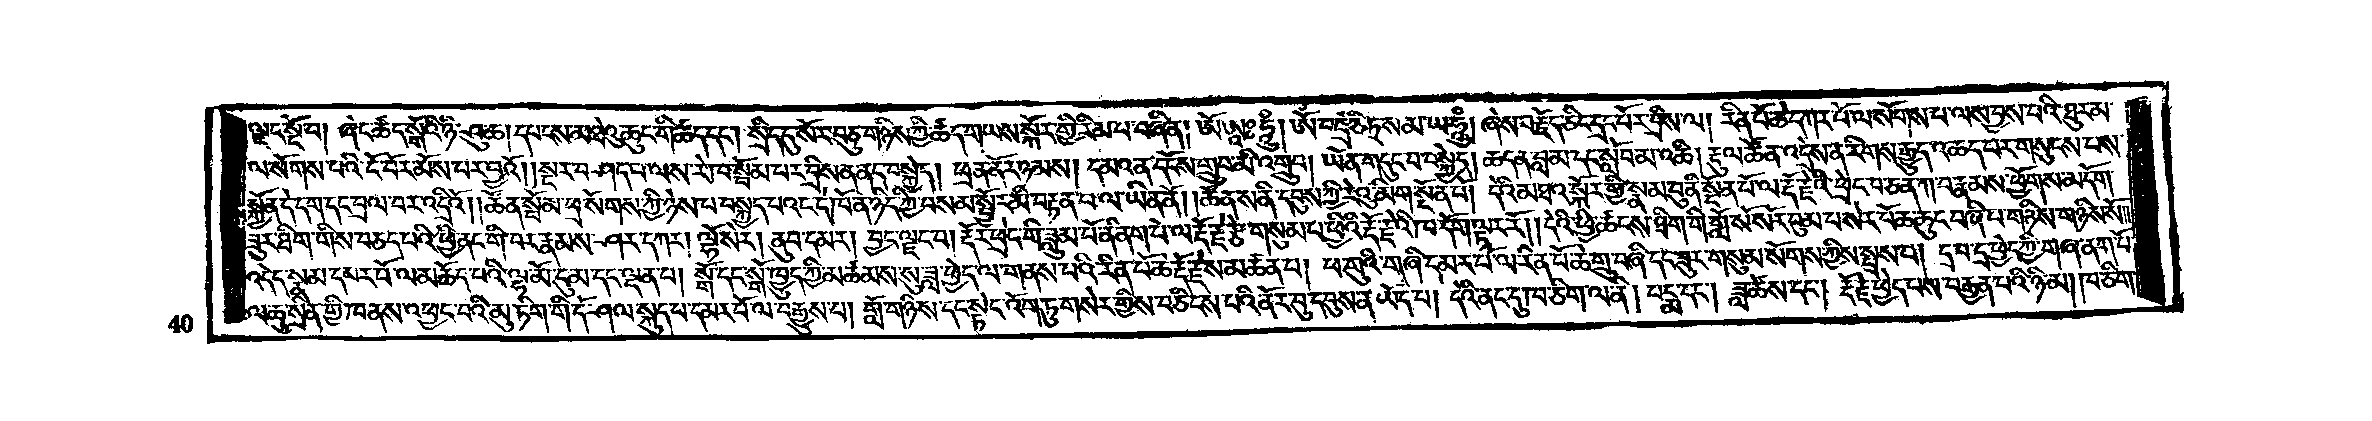ལྗང་སྔོ་བ། ཞིང?་ཚད་སྒོའི་ཉི་ཤུ་ཆ། དཔངས་མཐེའུ་ཆུང་གི་ཚད་དང་། སྲིད་དུ་སོར་བཅུ་གཉིས་ཀྱི་ཚད་གཡས་སྐོར་གྱི་རིམ་པ་བཞིན། ཨོཾ་ཨཱཿ ཧཱུཾ། ཨོཾ་བཛྲ་ཅི་ཏྲ་ས་མ་ཡ་ཧཱུཾ། ཞེས་བརྗོད་ཅིང་དྲང་པོར་བྲིས་ལ། རིན་པོ་ཆེ་དཀར་པོ་ལ་སོགས་པ་ལས་བྱས་པའི་ཐུར་མ་
ལ་སོགས་པའི་ངོ་བོར་མོས་པར་བྱའོ། །སྔར་བཤད་པ་ལས་རེ་ཁ་སྦོམ་པར་བྲིས་ན་ནད་བསྐྱེད། ཕྲན་ནོར་ཉམས། དམའ་ན་དངོས་གྲུབ་མི་འགྲུབ། ཡོན་གདུང་བ་བསྐྱེད། ཆད་ན་བླ་མ་དང་སློབ་མ་འཆི། རྡུལ་ཚོན་འདྲེས་ན་རིགས་རྒྱུད་འཆད་པར་གསུངས་པས་
སྐྱོན་དེ་དག་དང་བྲལ་བར་འདྲིའོ། །ཚོན་སྦོམ་ཕྲ་སོགས་ཀྱི་ཉེས་པ་བསྐྱད་པའང་དེ་ཁོ་ན་ཉིད་ཀྱི་བསམ་སྦྱོར་མི་བརྟན་པ་ལ་ཡིན་ནོ། །ཚོན་ས་ནི་དབུས་ཀྱི་རེའུ་མིག་སྔོན་པོ། དེའི་མཐའ་སྐོར་གྱི་སྣམ་བུ་ནི་སྔོན་པོ་ལ་རྡོ་རྗེའི་ཕྲེང་བ་ཅན་ཀ་བ་རྣམས་ཕྱོགས་མདོག་
ཟུར་ཐིག་གིས་བཅད་པའི་ཕྱི་ནང་གི་བར་རྣམས་ཤར་དཀར། ལྷོ་སེར། ནུབ་དམར། བྱང་ལྗང་བ། རྡོར་ཕྲེང་གི་ཟླུམ་པོ་ནི་ནག་པོ་ལ་རྡོ་རྗེ་རྩེ་གསུམ་པ་ཕྱིའི་རྡོ་རྗེའི་ཁ་དོག་ལྟར་རོ། །དེའི་ཕྱི་ཚངས་ཐིག་གི་གློ་སོ་སོར་བུམ་པ་སེར་པོ་ཆ་ཆུང་བཞི་པ་གཉིས་གཉིས་སོ། །
འདེད་སྣམ་དམར་པོ་ལ་མཆོད་པའི་ལྷ་མོ་དུ་མ་དང་ལྡན་པ། སྒོ་དང་སྒོ་ཁྱུད་ཀྱི་མཚམས་སུ་ཟླ་ཕྱེད་ལ་གནས་པའི་རིན་པོ་ཆེ་རྡོ་རྗེས་མཚན་པ། ཕ་གུའི་གཞི་དམར་པོ་ལ་རིན་པོ་ཆེ་གྲུབ་བཞི་དང་ཟུར་གསུམ་སོགས་ཀྱིས་སྤྲས་པ། དྲ་བ་དྲ་ཕྱེད་ཀྱི་གཞི?་ནག་པོ་
ལ་ཆུ་སྲིན་གྱི་ཁ་ནས་འཕྱང་བའི་མུ་ཏིག་གི་དོ་ཤལ་སྐུད་པ་དམར་པོ་ལ་བརྒྱུས་པ། གློ་གཉིས་དང་སྟེང་འོག་ཏུ་གསེར་གྱིས་བཅིངས་པའི་ནོར་བུ་དབུས་ན་ཡོད་པ། དེའི་ནང་དུ་ཁ་ཅིག་ལ་ནི། པདམ་དང་། ཟླ་ཚེས་དང་། རྡོ་རྗེ་ཕྱེད་པས་བརྒྱན་པའི་ཉི་མ། ཁ་ཅིག་